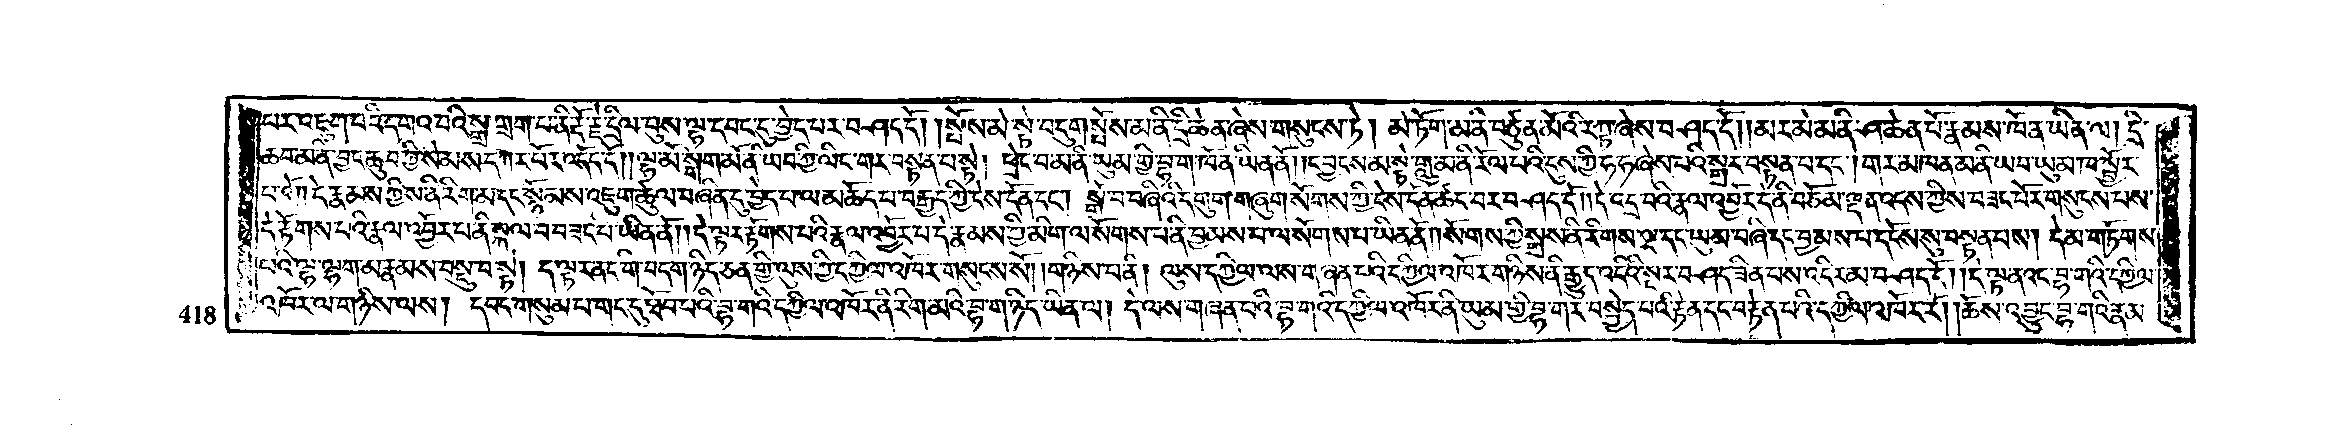པར་འཇུག་པའི་དགའ་བའི་སྒྲ་གྲག་པ་ནི་རྡོ་རྗེ་དྲིལ་བུས་ལྷ་དབང་དུ་བྱེད་པར་བཤད་དོ། །སྤོས་མེ་སྟེ་བདུག་སྤོས་མ་ནི་དྲི་ཆེན་ཞེས་གསུངས་ཏེ། མེ་ཏོག་མ་ནི་བཙུན་མོའི་རཀྟ་ཞེས་བཤད་དོ། །མར་མེ་མ་ནི་ཤ་ཆེན་པོ་རྣམས་ཁོ་ན་ཡིན་ལ། དྲི་
ཆབ་མ་ནི་བྱང་ཆུབ་ཀྱི་སེམས་དཀར་པོར་འདོད་དོ། །ལྷ་མོ་སྒེག་མོ་ནི་ཡབ་ཀྱི་ལིང་གར་བསྟན་པ་སྟེ། ཕྲེང་བ་མ་ནི་ཡུམ་གྱི་བྷ་ག་ཁོ་ན་ཡིན་ནོ། །དབྱངས་མ་སྟེ་གླུ་མ་ནི་རོལ་པའི་དུས་ཀྱི་ཧ་ཧ་ཞེས་པའི་སྒྲར་བསྟན་པ་དང་། གར་མཁན་མ་ནི་ཡབ་ཡུམ་ཁ་སྦྱོར་
པའོ། །དེ་རྣམས་ཀྱིས་ནི་རིག་མ་དང་སྙོམས་འཇུག་ཚུལ་བཞིན་དུ་བྱེད་པ་ལ་མཆོད་པ་བརྒྱད་ཀྱི་ངེས་དོན་དང་། སྒོ་བ་བཞིའི་དགུག་གཞུག་སོགས་ཀྱི་ངེས་དོན་ཚང་བར་བཤད་དོ། །དེ་འདྲ་བའི་རྣལ་འབྱོར་དེ་ནི་བཅོམ་ལྡན་འདས་ཀྱིས་བཟང་པོར་གསུངས་པས་
དེ་རྟོགས་པའི་རྣལ་འབྱོར་པ་ནི་སྐལ་བ་བཟང་པོ་ཡིན་ནོ། །དེ་ལྟར་རྟོགས་པའི་རྣལ་འབྱོར་པ་དེ་རྣམས་ཀྱི་མིག་ལ་སོགས་པ་ནི་བྱམས་པ་ལ་སོགས་པ་ཡིན་ནོ། །སོགས་ཀྱི་སྒྲས་ནི་རིགས་ལྔ་དང་ཡུམ་བཞི་དང་བྱམས་པ་དངོས་སུ་བསྟན་པས། དེ་མ་གཏོགས་
པའི་ལྷ་ལྷག་མ་རྣམས་བསྡུ་བ་སྟེ། ད་ལྟར་ནང་གི་བདག་ཉིད་ཅན་གྱི་ལུས་ཀྱི་དཀྱིལ་འཁོར་གསུངས་སོ། །གཉིས་པ་ནི། ལུས་དཀྱིལ་ལས་གཞན་པའི་དཀྱིལ་འཁོར་གཉིས་ནི་རྒྱུད་འདིའི་སྔར་བཤད་ཟིན་པས་འདིར་མ་བཤད་དོ། །དེ་ལྟ་ནའང་བྷ་གའི་དཀྱིལ་
འཁོར་ལ་གཉིས་ལས། དབང་གསུམ་པ་གང་དུ་ཐོབ་པའི་བྷ་གའི་དཀྱིལ་འཁོར་ནི་རིག་མའི་བྷ་ག་ཉིད་ཡིན་ལ། དེ་ལས་གཞན་པའི་བྷ་གའི་དཀྱིལ་འཁོར་ནི་ཡུམ་གྱི་བྷ་གར་བསྐྱེད་པའི་རྟེན་དང་བརྟེན་པའི་དཀྱིལ་འཁོར་རོ། །ཆོས་འབྱུང་བྷ་གའི་རྣམ་